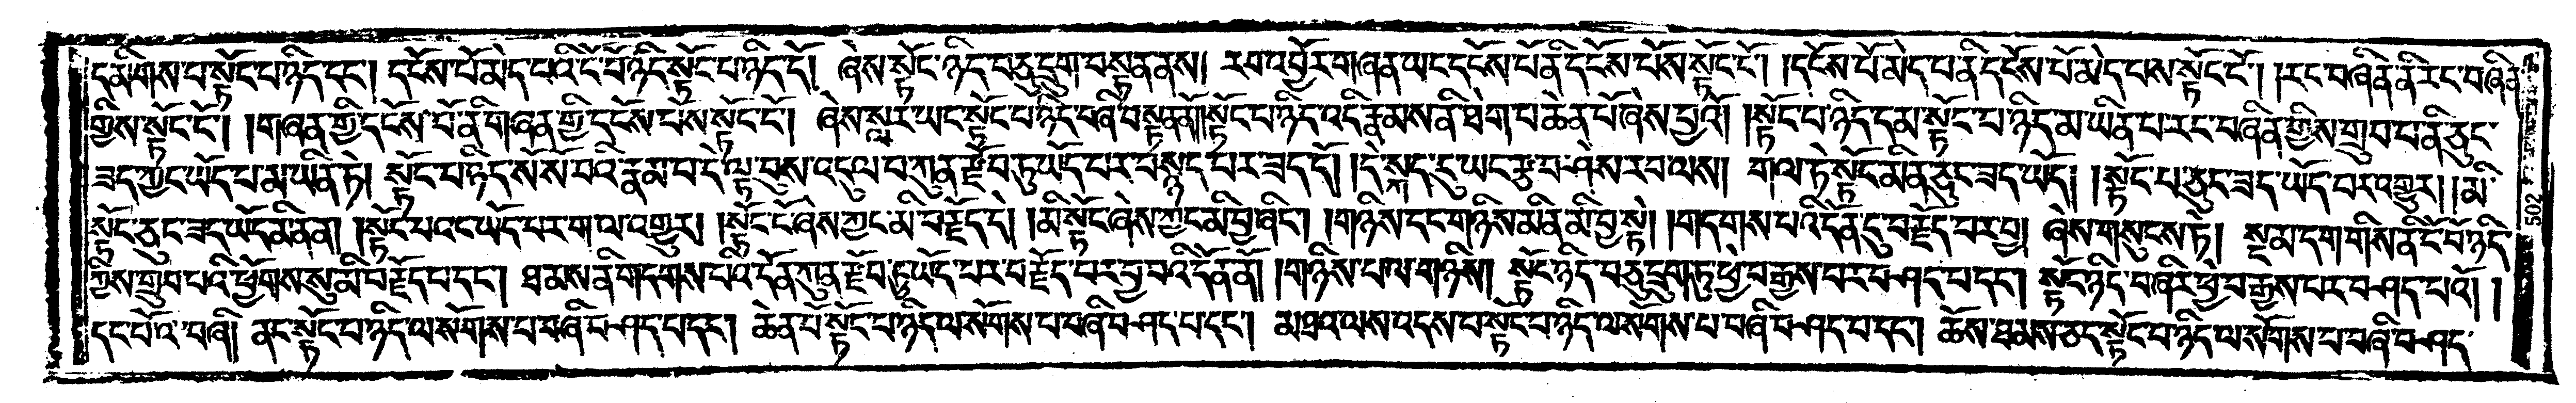དམིགས་པ་སྟོང་པ་ཉིད་དང་། དངོས་པོ་མེད་པའི་ངོ་བོ་ཉིད་སྟོང་པ་ཉིད་དོ། ཞེས་སྟོང་ཉིད་བཅུ་དྲུག་བསྟན་ནས། རབ་འབྱོར་གཞན་ཡང་དངོས་པོ་ནི་དངོས་པོས་སྟོང་ངོ། །དངོས་པོ་མེད་པ་ནི་དངོས་པོ་མེད་པས་སྟོང་ངོ། །རང་བཞིན་ནི་རང་བཞིན་
གྱིས་སྟོང་ངོ། །གཞན་གྱི་དངོས་པོ་ནི་གཞན་གྱི་དངོས་པོས་སྟོང་ངོ། ཞེས་སླར་ཡང་སྟོང་པ་ཉིད་བཞི་བསྟན་ནོ། །སྟོང་པ་ཉིད་འདི་རྣམས་ནི་ཐེག་པ་ཆེན་པོ་ཞེས་བྱའོ། །སྟོང་པ་ཉིད་དམ་སྟོང་པ་ཉིད་མ་ཡིན་པ་རང་བཞིན་གྱིས་གྲུབ་པ་ནི་ཅུང་
ཟད་ཀྱང་ཡོད་པ་མ་ཡིན་ཏེ། སྟོང་པ་ཉིད་སོ་སོ་བའི་རྣམ་པ་དེ་ལྟ་བུས་འདུལ་བ་ཀུན་རྫོབ་ཏུ་ཡོད་པར་བསྙད་པར་ཟད་དོ། །དེ་སྐད་དུ་ཡང་རྩ་བ་ཤེས་རབ་ལས། གལ་ཏེ་སྟོང་མིན་ཅུང་ཟད་ཡོད། །སྟོང་པ་ཅུང་ཟད་ཡོད་པར་འགྱུར། །མི་
སྐོང་ཅུང་ཟང་ཡོད་མིན་ན། །སྟོང་པའང་ཡོད་པར་ག་ལ་འགྱུར། སྟོང་ངོ་ཞེས་ཀྱང་མི་བརྗོད་དེ། །མི་སྟོང་ཞེས་ཀྱང་མི་བྱ་ཞིང་། །གཉིས་དང་གཉིས་མིན་མི་བྱ་སྟེ། །གདགས་པའི་དོན་དུ་བརྗོད་པར་བྱ། ཞེས་གསུངས་ཏེ། སྔ་མ་དག་གིས་ནི་ངོ་བོ་ཉིད་
ཀྱིས་གྲུབ་པའི་ཕྱོགས་སུ་མི་བརྗོད་པ་དང་། ཐ་མས་ནི་གདགས་པའི་དོན་ཀུན་རྫོབ་ཏུ་ཡོད་པར་བརྗོད་པར་བྱ་བའི་དོན་ནོ། །གཉིས་པ་ལ་གཉིས། སྟོང་ཉིད་བཅུ་དྲུག་ཏུ་ཕྱེ་བ་རྒྱས་པར་བཤད་པ་དང་། སྟོང་ཉིད་བཞིར་ཕྱེ་བ་རྒྱས་པར་བཤད་པའོ།།
དང་པོ་ལ་བཞི། ནང་སྟོང་པ་ཉིད་ལ་སོགས་པ་བཞི་བཤད་པ་དང་། ཆེན་པོ་སྟོང་པ་ཉིད་ལ་སོགས་པ་བཞི་བཤད་པ་དང་། མཐའ་ལས་འདས་པ་སྟོང་པ་ཉིད་ལ་སོགས་པ་བཞི་བཤད་པ་དང་། ཆོས་ཐམས་ཅད་སྟོང་པ་ཉིད་ལ་སོགས་པ་བཞི་བཤད་